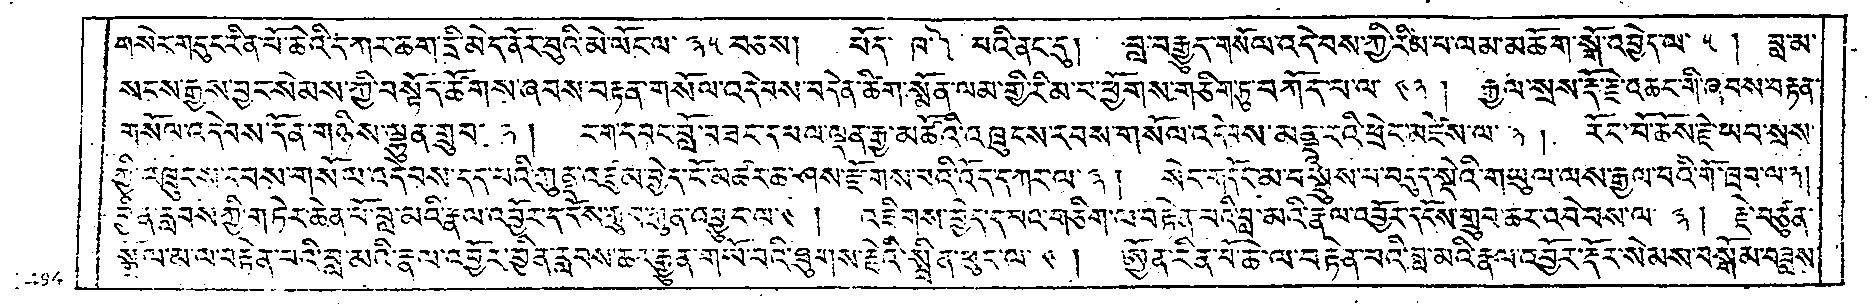གསེར་གདུང་རིན་པོ་ཆེའི་དཀར་ཆག་དྲི་མེད་ནོར་བུའི་མེ་ལོང་ལ ༣༥་བཅས། པོད་ཁ྄་པའི་ནང་དུ། བླ་བརྒྱུད་གསོལ་འདེབས་ཀྱི་རིམ་པ་ལམ་མཆོག་སྒོ་འབྱེད་ལ ༥། བླ་མ་
སངས་རྒྱས་བྱང་སེམས་ཀྱི་བསྟོད་ཚོགས་ཞབས་བརྟན་གསོལ་འདེབས་བདེན་ཚིག་སྨོན་ལམ་གྱི་རིམ་པ་ཕྱོགས་གཅིག་ཏུ་བཀོད་པ་ལ ༤༢། རྒྱལ་སྲས་རྡོ་རྗེ་འཆང་གི་ཞབས་བརྟན་
གསོལ་འདེབས་དོན་གཉིས་ལྷུན་གྲུབ ༢། ངག་དབང་བློ་བཟང་དཔལ་ལྡན་རྒྱ་མཚོའི་འཁྲུངས་རབས་གསོལ་འདེབས་མཎྡཱ་རའི་ཕྲེང་མཛེས་ལ ༢། རོང་པོ་ཆོས་རྗེ་ཡབ་སྲས་
ཀྱི་འཁྲུངས་རབས་གསོལ་འདེབས་དད་པའི་ཀུནྡ་འཛུམ་བྱེད་ངོ་མཚར་ཆ་ཤས་རྫོགས་པའི་འོད་དཀར་ལ ༣། སེང་གདོང་མ་བསྡུས་པ་བདུད་སྡེའི་གཡུལ་ལས་རྒྱལ་བའི་གོ་ཁྲབ་ལ ༢།
བྱིན་རླབས་ཀྱི་གཏེར་ཆེན་པོ་བླ་མའི་རྣལ་འབྱོར་དངོས་གྲུབ་ཀུན་འབྱུང་ལ ༤། འཇིགས་བྱེད་དཔའ་གཅིག་ལ་བརྟེན་པའི་བླ་མའི་རྣལ་འབྱོར་དངོས་གྲུབ་ཆར་འབེབས་ལ ༣། རྗེ་བཙུན་
སྒྲོལ་མ་ལ་བརྟེན་པའི་བླ་མའི་རྣལ་འབྱོར་བྱིན་རླབས་ཆར་རྒྱུན་གཡོ་བའི་ཐུགས་རྗེའི་སྤྲིན་ཕུང་ལ ༤། ཨཡོན་རིན་པོ་ཆེ་ལ་བརྟེན་པའི་བླ་མའི་རྣལ་འབྱོར་རྡོར་སེམས་བསྒོམ་བཟླས་